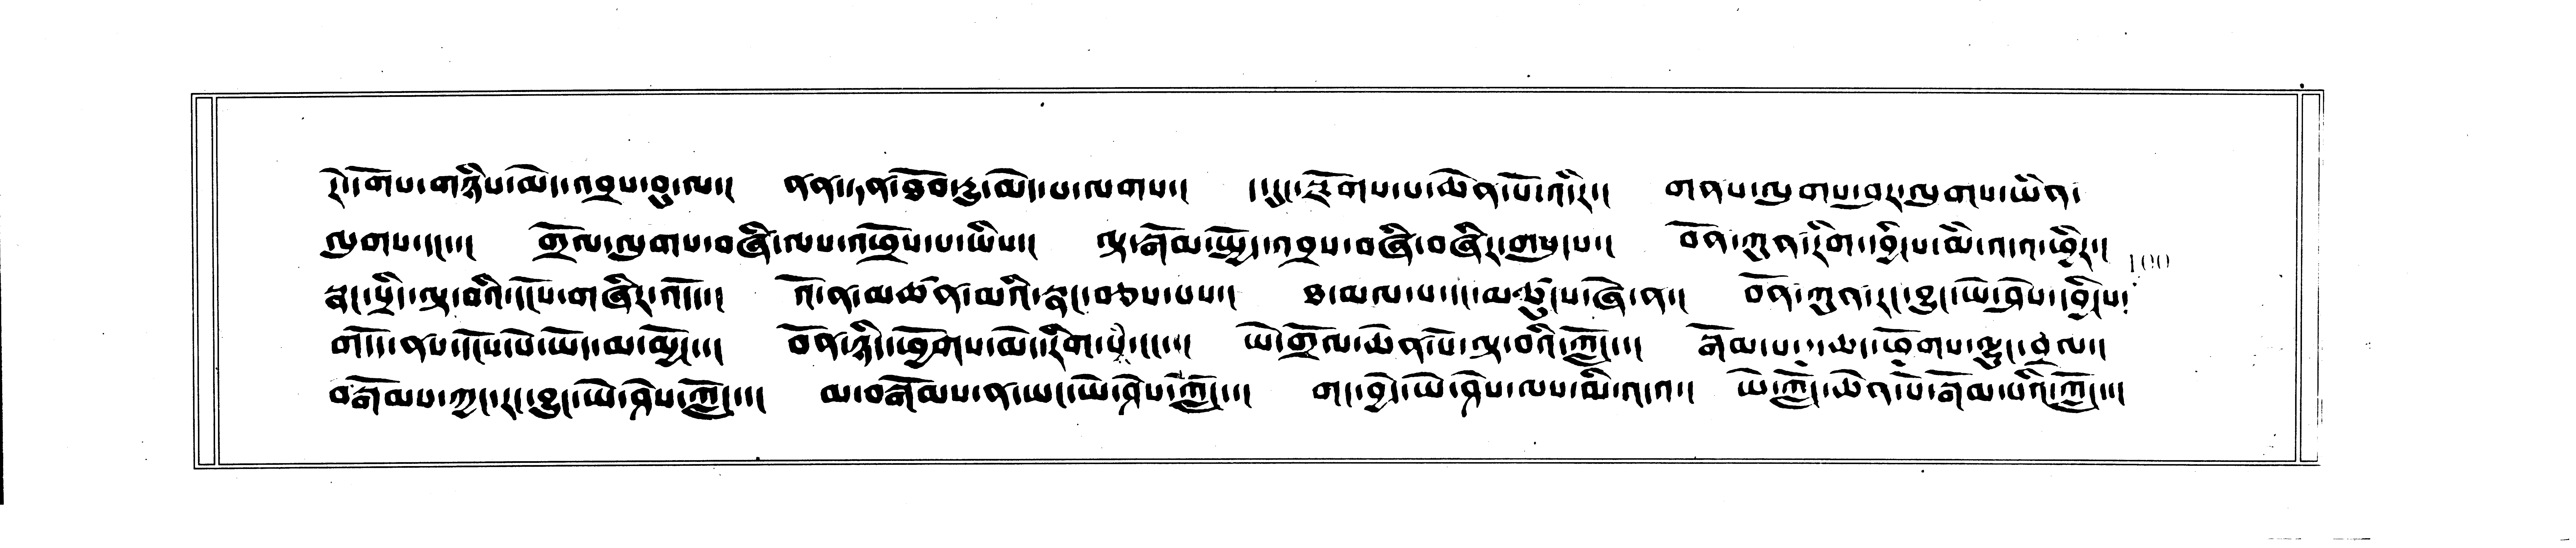རེ་དྭོགས་གཉིས་མེད་འབྲས་བུ་ལ། །ནན་ཏན་ཐོབ་ཏུ་མེད་པ་ལགས། །ད་དུང་རྫོགས་པ་ཆེན་པོ་འདིར། །གནས་ལུགས་ཤར་ལུགས་ཡིན་
ལུགས་དང་། །གྲོལ་ལུགས་གཞི་ལས་འཕྲོས་པ་ཡི། །ལྟ་སྒོམ་སྤྱོད་འབྲས་བཞི་བཞིར་གསུངས། །བོན་ཀུན་རིག་དབྱིངས་མི་འདའ་ཕྱིར། 
།སྣང་སྲིད་ལྟ་བའི་དངོས་གཞིར་འདོད། །འོ་ན་མཚན་མའི་སྣང་བཅས་པས། །ཐ་མལ་པ་དང་མཚུངས་ཞེ་ན། །བོན་ཀུན་རང་འབྱུང་ཡེ་ཤེས་དབྱིངས། 
།གདོད་ནས་དངོས་པོ་ཡོད་མ་མྱོང་། །བོན་ཉིད་ཕྱོགས་མེད་རིག་པའི་ངང་། །ཡེ་གྲོལ་ཆེན་པོ་ལྟ་བའི་ཀློང་། །སྒོམ་པ་རྒྱ་ཆད་ཕྱོགས་ལྷུང་བྲལ། 
།བསྒོམས་ཀྱང་རང་འབྱུང་ཡེ་ཤེས་ཀློང་། །མ་བསྒོམས་ན་ཡང་ཡེ་ཤེས་ཀློང་། །གང་བྱེད་ཡེ་ཤེས་ལས་མི་འདའ། །ཡེ་ཀློང་ཆེན་པོ་སྒོམ་པའི་ཀློང་། །